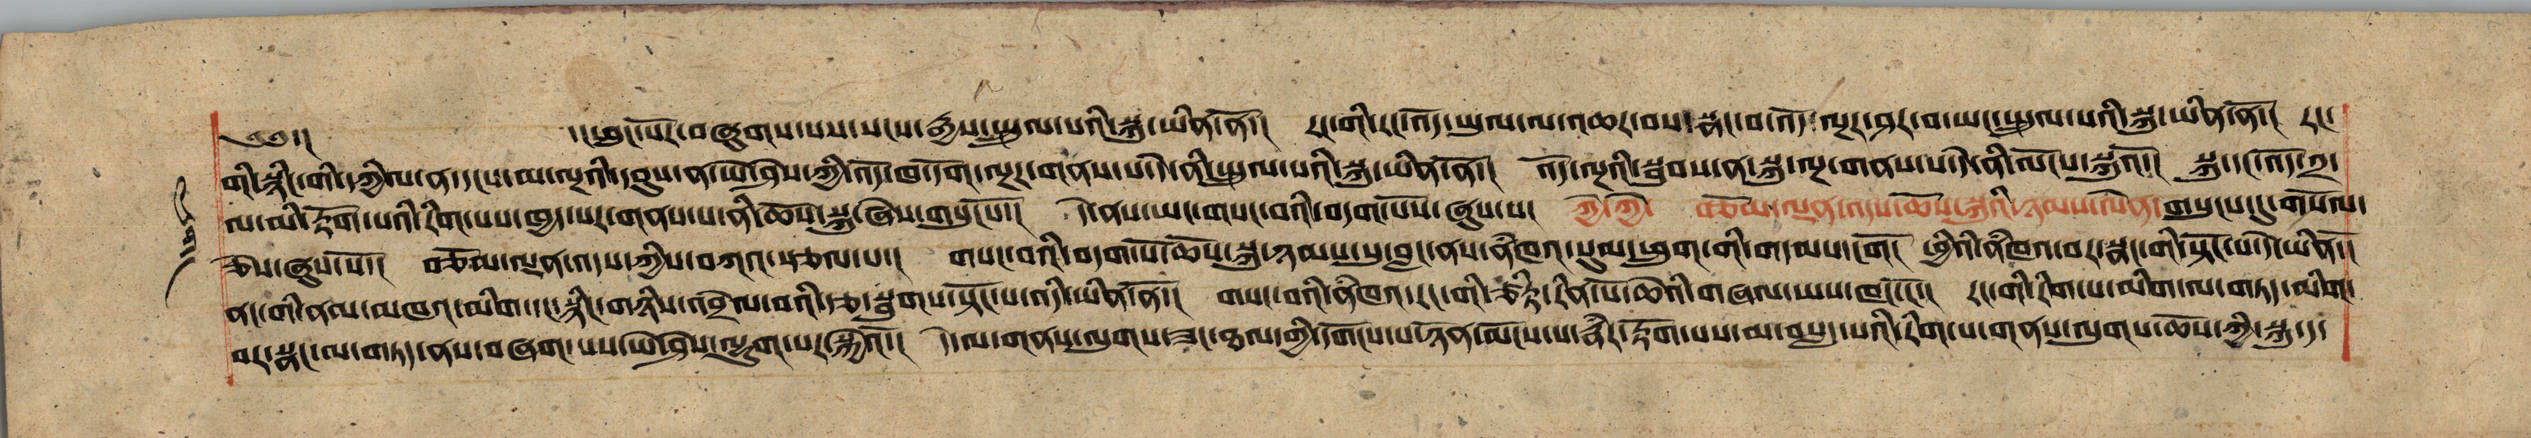༄༅་། ་།ཕུང་པོར་གཞུགས་པས་སངས་རྒྱས་སྤྲུལ་པའི་སྐུ་ཡིིན་ནོ་། རང་གི་རང་འོད་ཡུལ་ལ་འཆར་བས་སྣང་བ་འོད་ལྔར་ཤར་བ་ཡང་སྤྲུལ་པའི་སྐུ་ཡིན་ནོ་། རང་
གི་སྙིང་གི་དཀྱིལ་ན་དངས་མ་ལྔའི་དབུས་ན་ཡེ་ཤེས་ཀྱི་འོད་ཁ་དོག་ལྔར་གནས་པ་དེ་ནི་སྤྲུལ་པའི་སྐུ་ཡིན་ནོ་། འོད་ལྔའི་སྦུབས་ན་སྐུ་ལྔ་གནས་པ་དེ་ནི་ལོངས་སྐུའོ་། སྐུ་དང་འོད་༢་
ལ་མི་རྟོག་པའི་རིག་པས་ཁྱད་པར་གནས་པ་ནི་ཆོས་སྐུ་ཞེས་གསུངསོ་། དེ་ནས་ཡང་གསང་བའི་བདག་པོས་ཞུས་པ། ཀྱེ་ཀྱེ་ བཅོམ་ལྡན་འདས་ཆོས་སྐུའི་ཉམས་ལེན་གསུངས་དུ་གསོལ་
ཅེས་ཞུས་སོ་། བཅོམ་ལྡན་འདས་ཀྱིས་བཀའ་སྩལ་པ་། གསང་བའི་བདག་པོ་ཆོས་སྐུ་ཉམས་སུ་བླང་ནས་ནཾཁའ་སུམ་ཕྲུག་གི་གདམས་ངགོ། ཕྱིའི་ནཾཁའ་བར་སྣང་གི་སྟོང་པ་དཻ་ཡིནོ་།
ནང་གི་ནམ་མཁའ་མིག་དང་སྙིང་གཉིས་འབྲེལ་བའི་རྩ་སྦུགས་སྟོང་པ་འདི་ཡིན་ནོ་། གསང་བའི་ནཾཁའ་རང་གི་ཙིཏྟ་རིན་་པོ་ཆེའི་གཞལ་ཡས་ཁང་ངོ་། རང་གི་རིག་པ་མིག་ལ་གཏད་མིག་
བར་སྣང་ལ་གཏད་ནས་བཞག་པས་ཡེ་ཤེས་ལྷུག་པར་སྐྱེའོ་། དེ་ལ་གནས་ལུགས་ཟང་ཐལ་གྱི་དགོངས་པ་ཉོན་མོངས་པ་རྣཾར་རྟོག་པས་མ་བསླད་པའི་གནས་ལུགས་ཆོས་ཀྱི་སྐུ་ད་